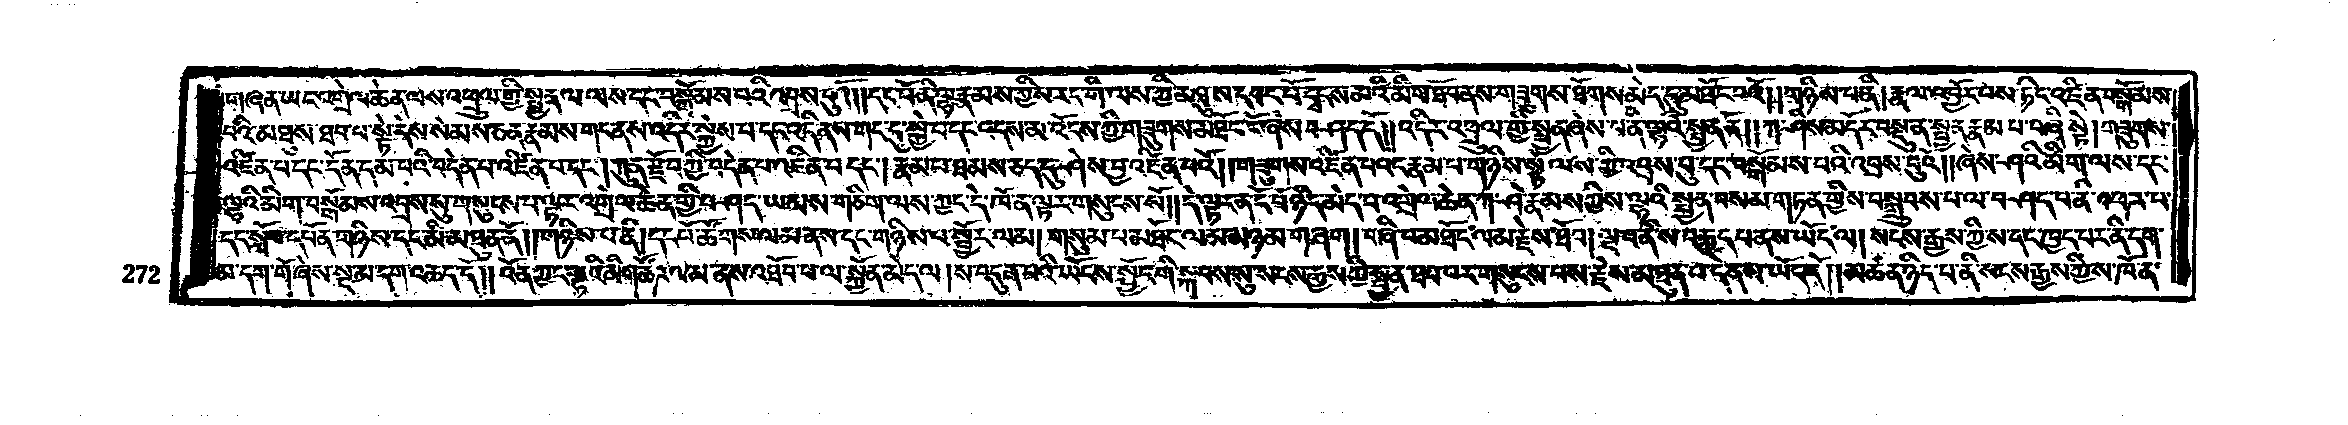གཞན་ཡང་འགྲེལ་ཆེན་ལས་འཕྲུལ་གྱི་སྤྱན་ལ་ལས་དང་བསྒོམས་པའི་འབྲས་བུའོ། །དང་པོ་ནི་ལྷ་རྣམས་ཀྱིས་རང་གི་ལས་ཀྱི་མཐུས་དབང་པོ་དྭངས་མའི་མིག་ཐོབ་ནས་གཟུགས་ཐོགས་མེད་དུ་མཐོང་བའོ། །གཉིས་པ་ནི། རྣལ་འབྱོར་པས་ཏིང་འཛིན་བསྒོམས་
པའི་མཐུས་ཐབ་པ་སྟེ་དེས་སེམས་ཅན་རྣམས་གང་ནས་འདིར་སྐྱེས་པ་དང་འདི་ནས་གང་དུ་སྐྱེ་བ་དང་འདས་མ་འོངས་ཀྱི་གཟུགས་མཐོང་ངོ་ཞེས་བཤད་དོ། །འདིར་འཕྲུལ་གྱི་སྤྱན་ཞེས་པ་ནི་ལྷའི་སྤྱན་ནོ། །ཀ་ཤིས་མདོར་བསྡུ་ན་སྤྱན་རྣམ་པ་བཞི་སྟེ། གཟུགས་
འཛིན་པ་དང་དོན་དམ་པའི་བདེན་པ་འཛིན་པ་དང་། ཀུན་རྫོབ་ཀྱི་བདེན་པ་འཛིན་པ་དང་། རྣམ་པ་ཐམས་ཅད་དུ་ཤེས་བྱ་འཛིན་པའོ། །གཟུགས་འཛིན་པའང་རྣམ་པ་གཉིས་སྟེ་ལས་ཀྱི་འབྲས་བུ་དང་བསྒོམས་པའི་འབྲས་བུའོ། །ཞེས་ཤའི་མིག་ལས་དང་
ལྷའི་མིག་བསྒོམས་འབྲས་སུ་གསུངས་པ་ལྟར་འགྲེལ་ཆེན་གྱི་བཤད་ཡམས་གཅིག་ལས་ཀྱང་དེ་ཁོ་ན་ལྟར་གསུངས་སོ། །དེ་ལྟར་ན་ངོ་བོ་ཉིད་མེད་པ་འགྲེལ་ཆེན་ཀ་ཤི་རྣམས་ཀྱིས་ལྷའི་སྤྱན་བསམ་གཏན་གྱིས་བསྒྲུབས་པ་ལ་བཤད་པ་ནི་འཕབ་པ་
དང་སློབ་དཔོན་གཉིས་དང་མི་མཐུན་ནོ། །གཉིས་པ་ནི། དང་པོ་ཚོགས་ལམ་ནས་དང་གཉིས་པ་སྦྱོར་ལམ། གསུམ་པ་མཐོང་ལམ་མཉམ་གཞག །བཞི་པ་མཐོང་ལམ་རྗེས་ཐོབ། ལྔ་པ་ནི་ས་བརྒྱད་པ་ནས་ཡོད་ལ། སངས་རྒྱས་ཀྱི་ས་དང་ཁྱད་པར་ནི་དག་
པ་དག་གོ་ཞེས་སྔ་མ་དག་འཆད་དོ། །འོན་ཀྱང་ལྷའི་མིག་ཚོར་ལམ་ནས་འཐོབ་པ་ལ་སྐྱོན་མེད་ལ། ས་བདུན་པའི་ཡོངས་སྦྱོང་གི་སྐབས་སུ་སངས་རྒྱས་ཀྱི་སྤྱན་ཐབ་པར་གསུངས་པས་རྗེས་མཐུན་པ་དེ་ནས་ཡོད་དོ། །མཚན་ཉིད་པ་ནི་སངས་རྒྱས་ཀྱི་ས་ཁོ་ན་